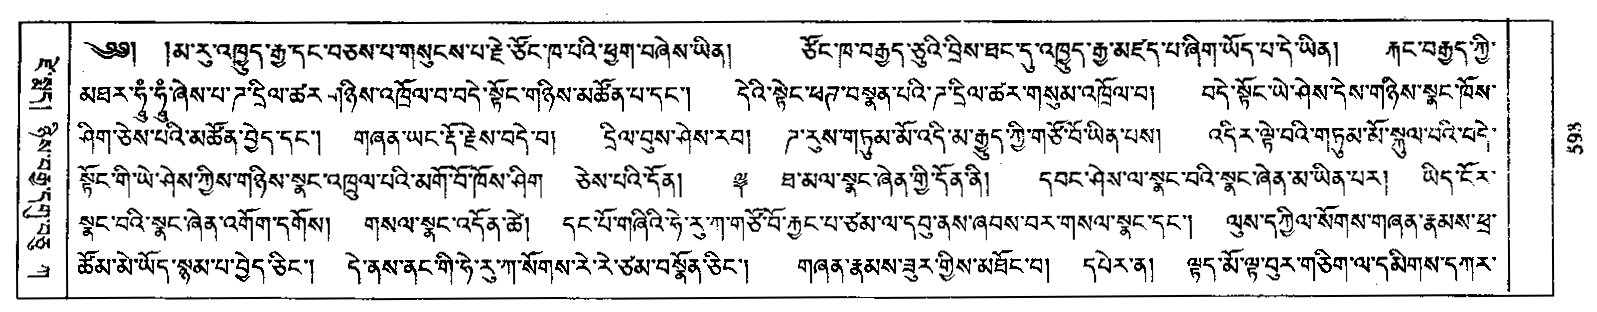༄༅། །མ་རུ་འཁྱུད་རྒྱ་དང་བཅས་པ་གསུངས་པ་རྗེ་ཙོང་ཁ་པའི་ཕྱག་བཞེས་ཡིན། ཙོང་ཁ་བརྒྱད་ཅུའི་བྲིས་ཐང་དུ་འཁྱུད་རྒྱ་མཛད་པ་ཞིག་ཡོད་པ་དེ་ཡིན། རྐང་བརྒྱད་ཀྱི་
མཐར་ཧཱུཾ་ཧཱུཾ་ཞེས་པ་ཌ་དྲིལ་ཚར་གཉིས་འཁྲོལ་བ་བདེ་སྟོང་གཉིས་མཚོན་པ་དང་། དེའི་སྟེང་ཕཊ་བསྣན་པའི་ཌ་དྲིལ་ཚར་གསུམ་འཁྲོལ་བ། བདེ་སྟོང་ཡེ་ཤེས་དེས་གཉིས་སྣང་ཁོས་
ཤིག་ཅེས་པའི་མཚོན་བྱེད་དང་། གཞན་ཡང་རྡོ་རྗེས་བདེ་བ། དྲིལ་བུས་ཤེས་རབ། ཌ་རུས་གཏུམ་མོ་འདི་མ་རྒྱུད་ཀྱི་གཙོ་བོ་ཡིན་པས། འདིར་ལྟེ་བའི་གཏུམ་མོ་སྐུལ་བའི་བདེ་
སྟོང་གི་ཡེ་ཤེས་ཀྱིས་གཉིས་སྣང་འཁྲུལ་པའི་མགོ་བོ་ཁོས་ཤིག་ཅེས་པའི་དོན། ༈ ཐ་མལ་སྣང་ཞེན་གྱི་དོན་ནི། དབང་ཤེས་ལ་སྣང་བའི་སྣང་ཞེན་མ་ཡིན་པར། ཡིད་ངོར་
སྣང་བའི་སྣང་ཞེན་འགོག་དགོས། གསལ་སྣང་འདོན་ཚེ། དང་པོ་གཞིའི་ཧེ་རུ་ཀ་གཙོ་བོ་རྐྱང་པ་ཙམ་ལ་དབུ་ནས་ཞབས་བར་གསལ་སྣང་དང་། ལུས་དཀྱིལ་སོགས་གཞན་རྣམས་ཕྲ་
ཚོམ་མེ་ཡོད་སྙམ་པ་བྱེད་ཅིང་། དེ་ནས་ནང་གི་ཧེ་རུ་ཀ་སོགས་རེ་རེ་ཙམ་བསྣོན་ཅིང་། གཞན་རྣམས་ཟུར་གྱིས་མཐོང་བ། དཔེར་ན། ལྟད་མོ་ལྟ་བུར་གཅིག་ལ་དམིགས་དཀར་